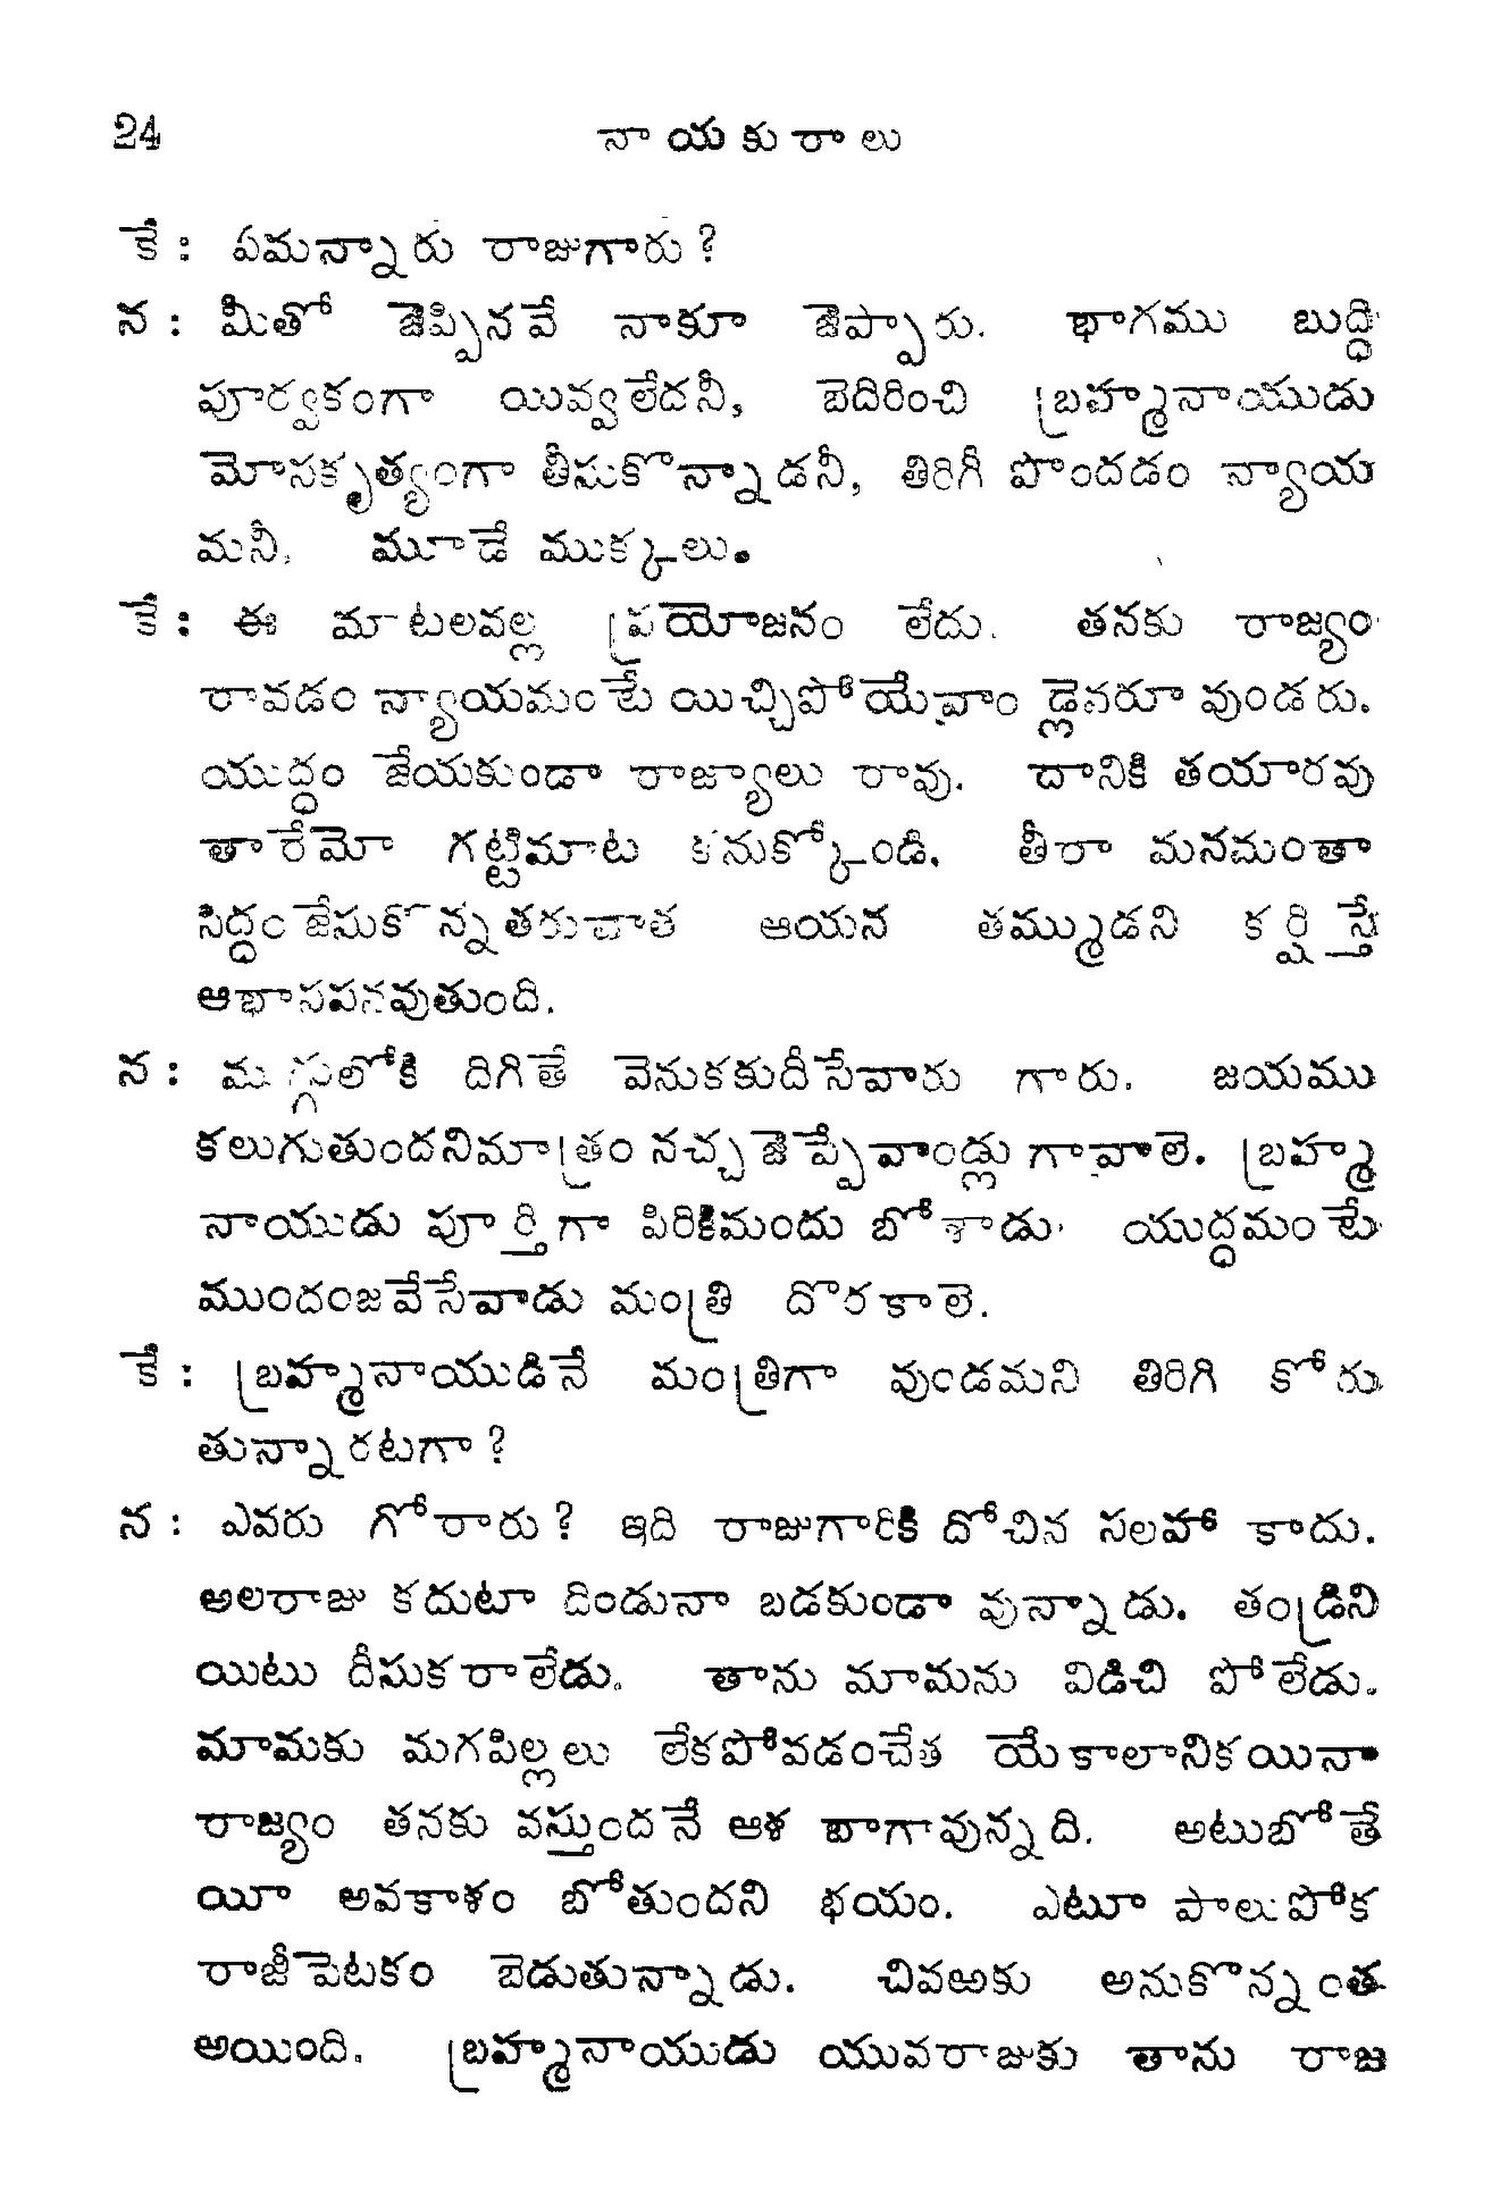కే: ఏమన్నారు రాజుగారు ?

న : మీతో జెప్పినవే నాకూ జెప్పారు. భాగము బుద్ధిపూర్వకంగా యివ్వలేదనీ, బెదిరించి బ్రహ్మనాయుడు మోసకృత్యంగా తీసుకొన్నాడనీ, తిరిగి పొందడం న్యాయమనీ, మూడే ముక్కలు.

కే: ఈ మాటలవల్ల ప్రయోజనం లేదు. తనకు రాజ్యం రావడం న్యాయమంటే యిచ్చిపోయేవాం డ్లెవరూ వుండరు. యుద్ధం జేయకుండా రాజ్యాలు రావు. దానికి తయారవుతారేమో గట్టిమాట కనుక్కోండి. తీరా మనమంతా సిద్ధం జేసుకొన్నతరువాత ఆయన తమ్ముడని కర్షిస్తే అభాసపనవుతుంది.

న: ముగ్గులోకి దిగితే వెనుకకుదీసేవారు గారు. జయము కలుగుతుందనిమాత్రం నచ్చజెప్పేవాండ్లు గావాలె. బ్రహ్మనాయుడు పూర్తిగా పిరికిమందు బోశాడు. యుద్ధమంటే ముందంజవేసేవాడు మంత్రి దొరకాలె.

కే : బ్రహ్మనాయుడినే మంత్రిగా వుండమని తిరిగి కోరుతున్నారటగా?

న: ఎవరు గోరారు ? ఇది రాజుగారికి దోచిన సలహా కాదు. అలరాజు కదుటా దిండునా బడకుండా వున్నాడు. తండ్రిని యిటు దీసుక రాలేడు. తాను మామను విడిచి పోలేడు. మామకు మగపిల్లలు లేకపోవడంచేత యే కాలానికయినా రాజ్యం తనకు వస్తుందనే ఆశ బాగావున్నది. అటుబోతే యీ
అవకాశం బోతుందని భయం. ఎటూ పాలుపోక రాజీపెటకం బెడుతున్నాడు. చివఱకు
అనుకొన్నంత అయింది. బ్రహ్మనాయుడు యువరాజుకు తాను రాజ